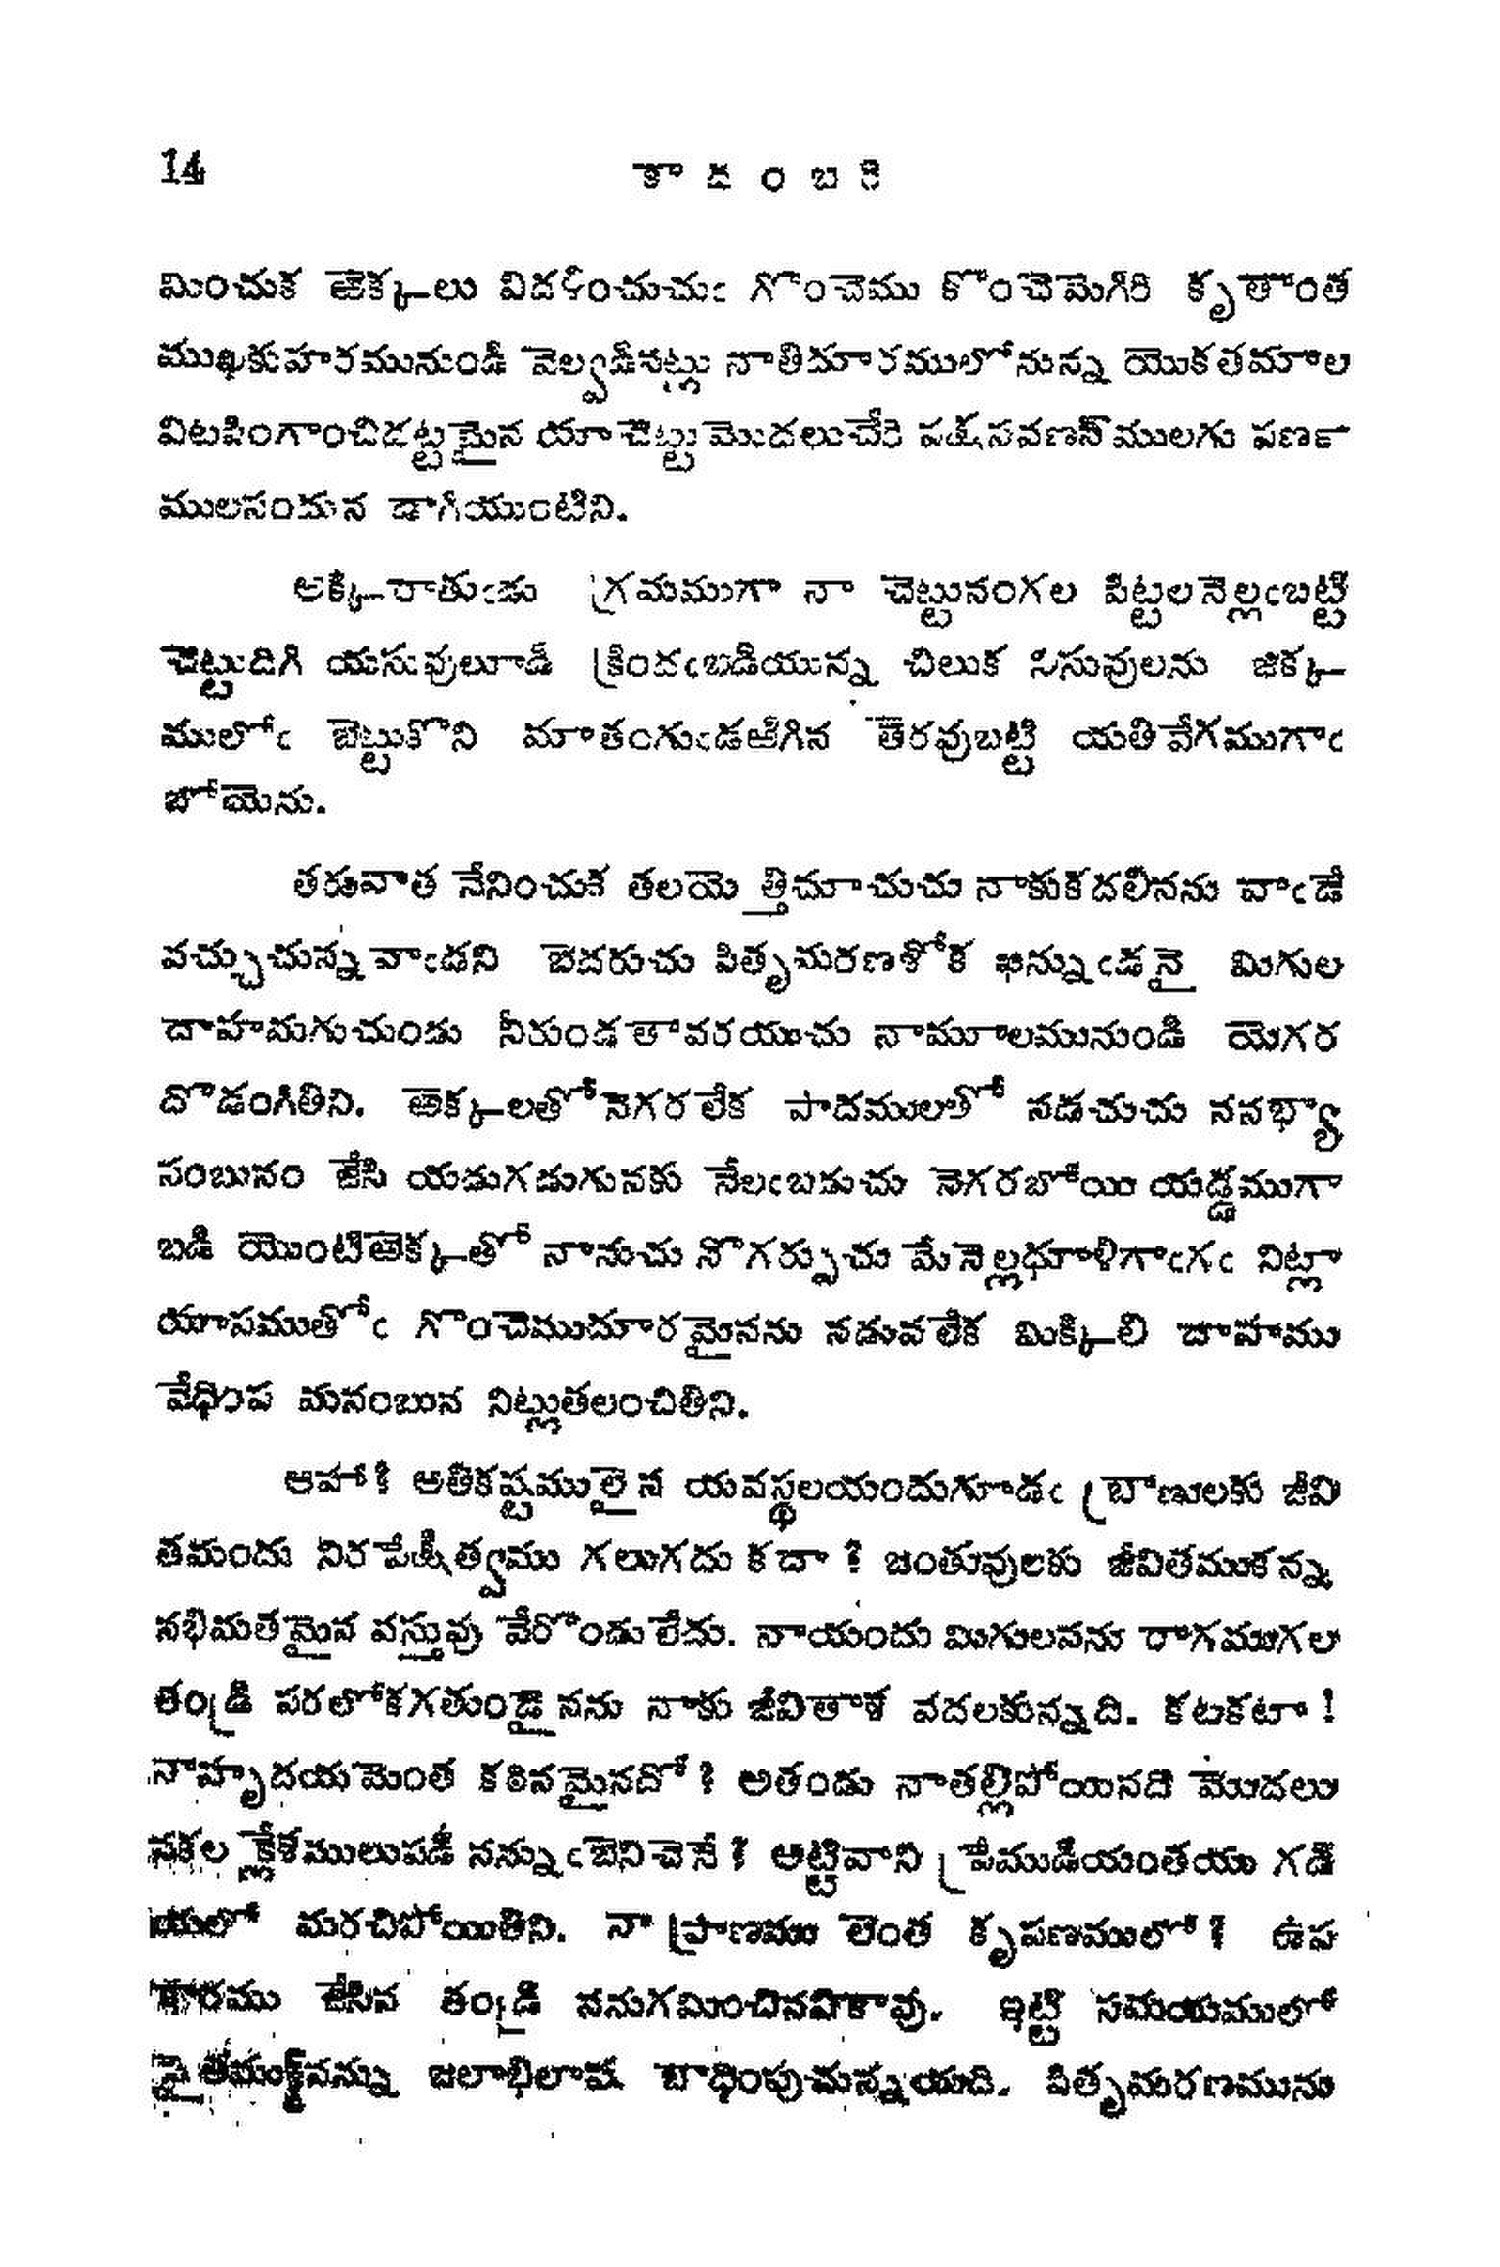మించుక ఱెక్కలు విదళించుచుఁ గొంచెము కొంచెమెగిరి కృతాంత ముఖకుహరమునుండి వెల్వడినట్లు నాతిదూరములో నున్న యొకతమాల విటసింగాంచిదట్టమైన యాచెట్టు మొదలుచేరి పక్షసవణన్‌ములగు పణ౯ములసందున డాగియుంటిని.

అక్కిరాతుఁడు గ్రమముగా నా చెట్టునంగల పిట్ట్లనెల్లఁబట్టి చెట్టుదిగి యసువులూడి క్రిందఁబడియున్న చిలుక సిసువులను జిక్కములోఁ బెట్టుకొని మాతంగుఁడఱిగిన తెరవుబట్టి యతివేగముగాఁ బోయెను.

తరువాత నేనించుక తలయెత్తిచూచుచు నాకుకదలినను వాఁడే వచ్చుచున్నవాఁడని బెదరుచు పితృమరణశోక ఖిన్నుఁడనై మిగుల దాహమగుచుండు నీరుండతావరయుచు నామూలమునుండి యెగర దొడంగితిని. ఱెక్కలతోనెగరలేక పాదములతో నడచుచు ననభ్యాసంబునం జేసి యడుగడుగునకు నేలఁబడుచు నెగరబోయి యడ్డముగా బడి యొంటిఱెక్కతో నానుచు నొగర్పుచు మేనెల్లధూళిగాఁగఁ నిట్లాయాసముతోఁ గొంచెముదూరమైనను నడువలేక మిక్కిలి దాహము వేధింప మనంబున నిట్లుతలంచితిని.

ఆహా? అతికష్టములైన యవస్థలయందుగూడఁ బ్రాణులకు జీవితమందు నిరపేక్షిత్వము గలుగదు కదా? జంతువులకు జీవితముకన్న నభిమతమైన వస్తువు వేరొండులేదు. నాయందు మిగులనను రాగముగల తండ్రి పరలోకగతుండైనను నాకు జీవితాశ వదలకున్నది. కటకటా! నాహృదయమెంత కఠినమైనదో? అతండు నాతల్లిపోయినది మొదలు సకల క్లేశములుపడి నన్నుఁబెనిచెనే? అట్టివాని ప్రేముడియంతయు గడియలో మరచిపోయితిని. నా ప్రాణము లెంత కృపణములో? ఉపకారము జేసిన తండ్రి ననుగమించినవికావు. ఇట్టి సమయములో సైతమునన్ను జలాభిలాష బాధింపుచున్నయది, పితృమరణమును